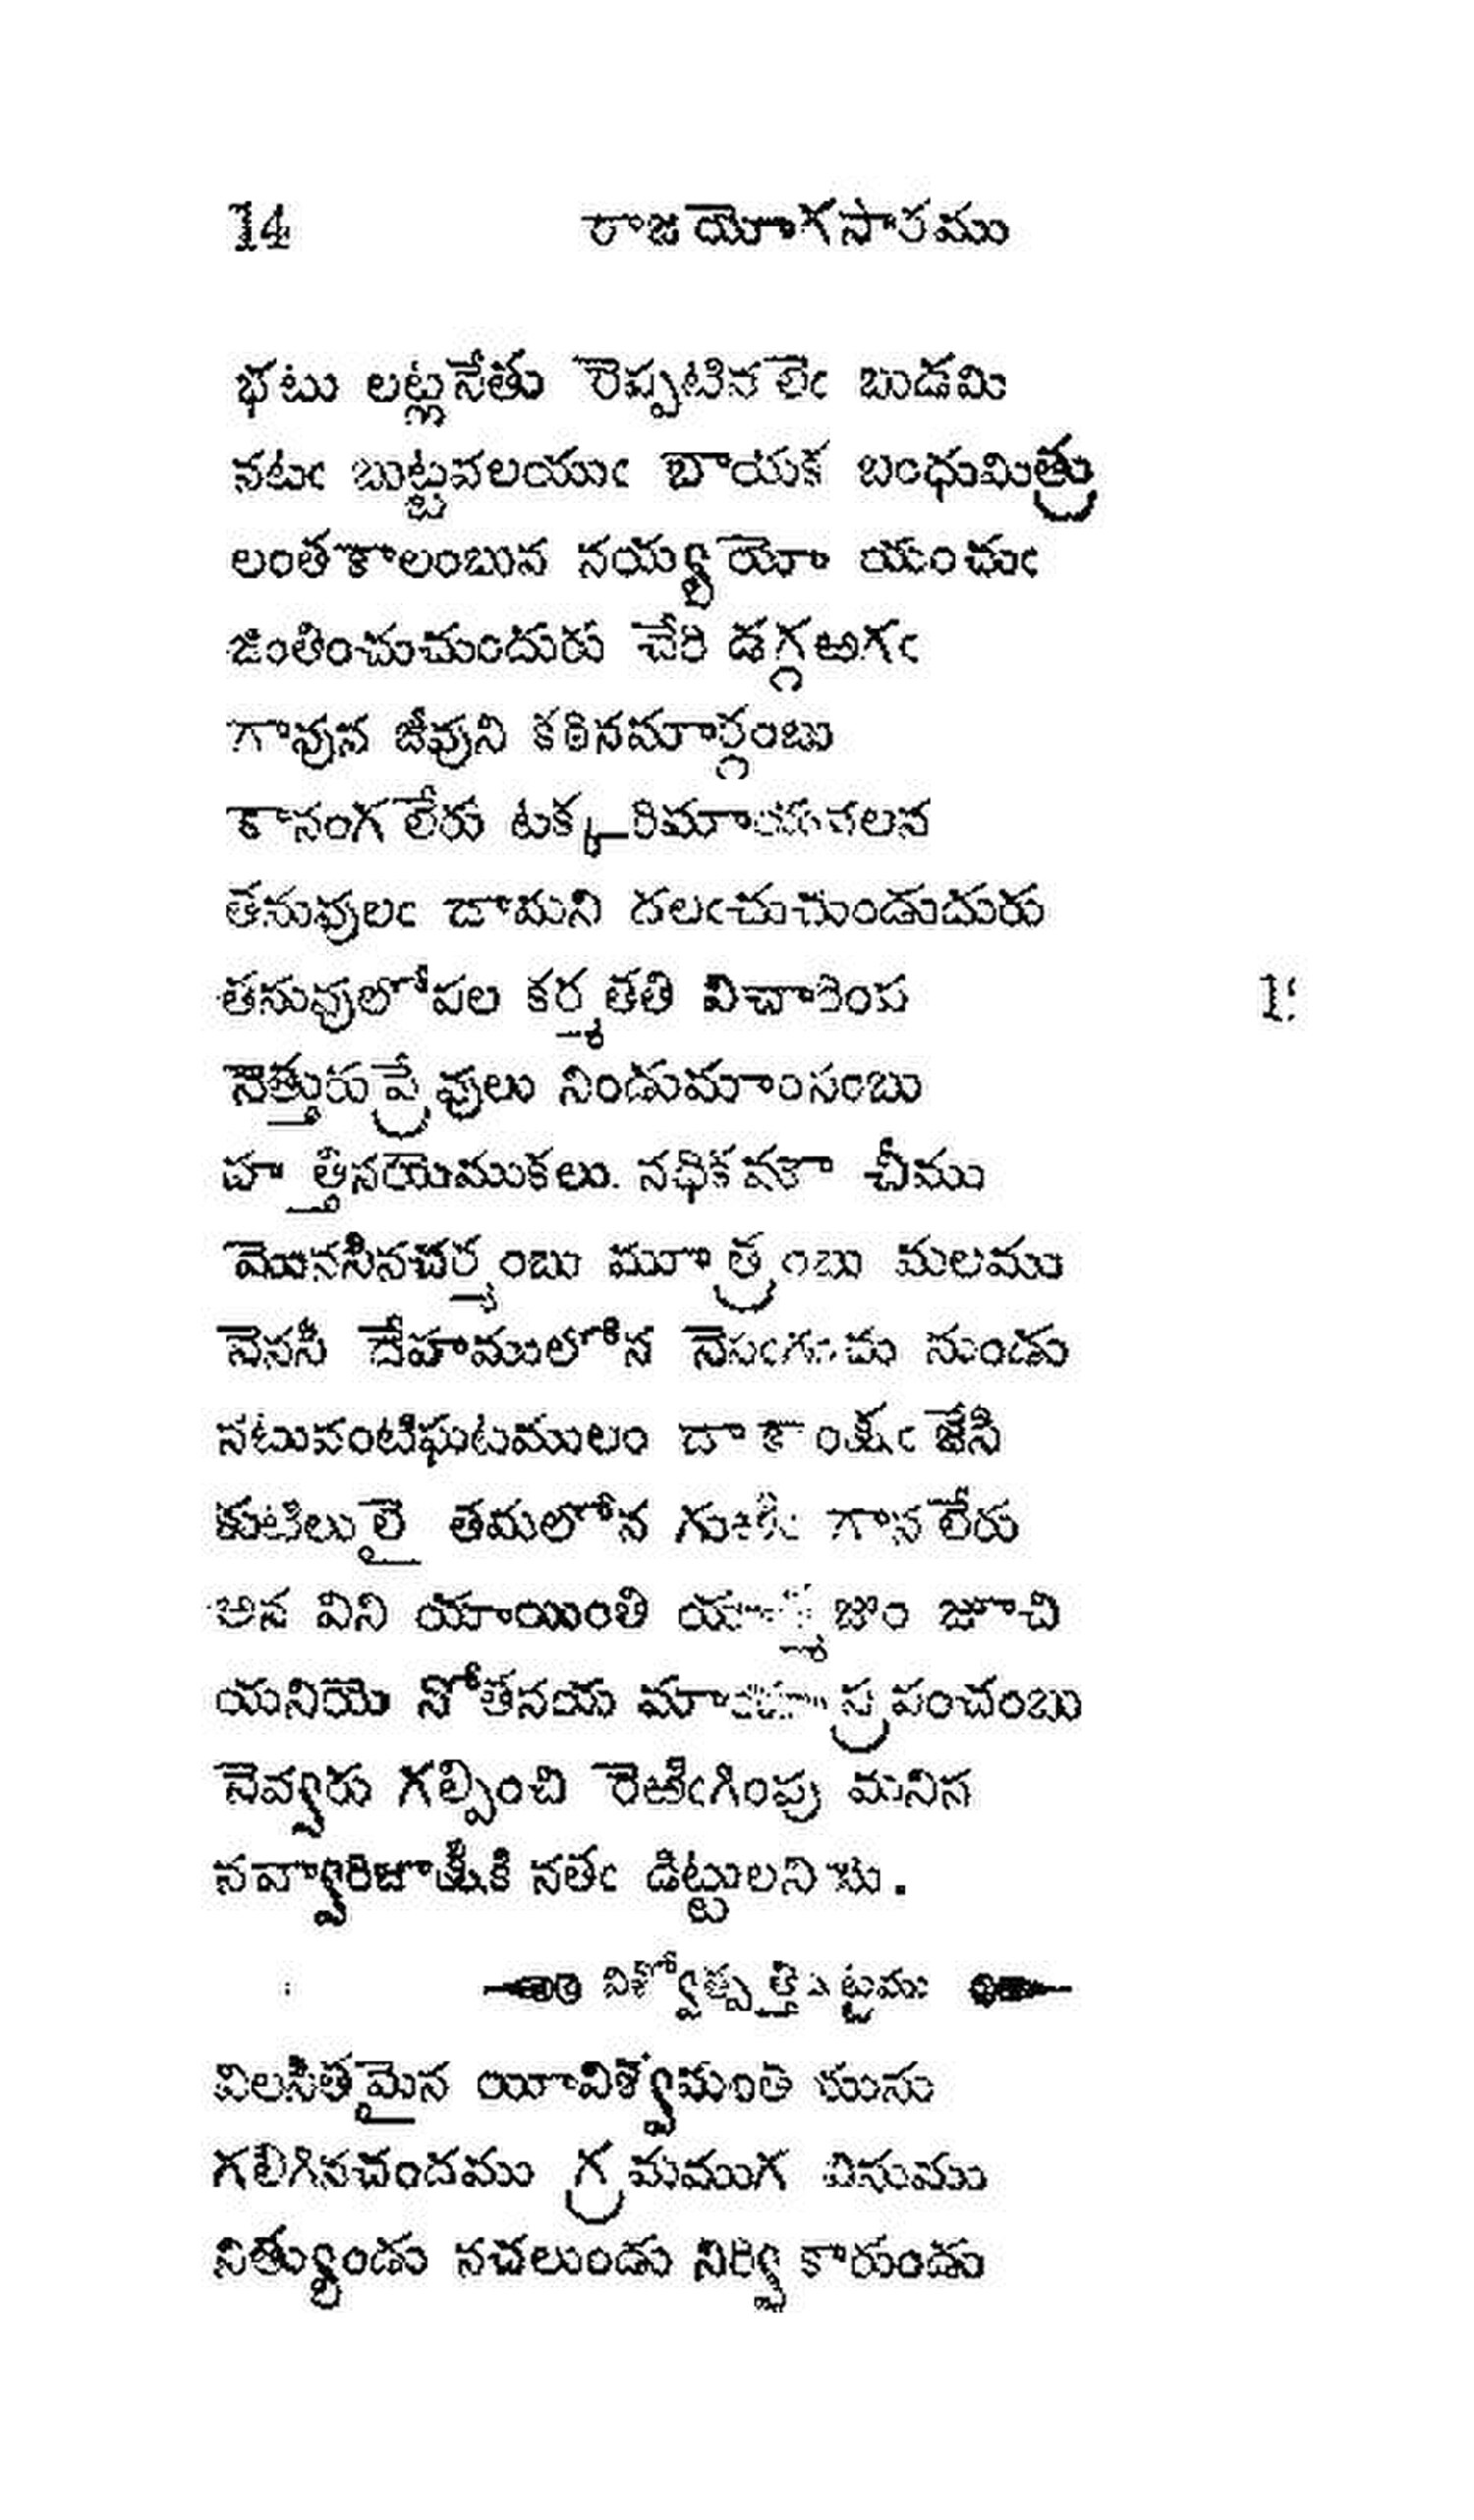భటు లట్లసేతు రెప్పటివలెఁ బుడమి
నటఁ బుట్టవలయుఁ బాయక బంధుమిత్రు
లంతకాలంబున నయ్యయో యంచుఁ
జింతించుచుందురు చేరి డగ్గఱగఁ
గావున జీవుని కఠినమార్గంబు
కానంగలేరు టక్కరిమాయవలన
తనువులఁ దామని దలఁచుచుండుదురు
తనువులోపల కర్మతతి విచారింప 
నెత్తురుప్రేవులు నిండుమాంసంబు
హత్తినయెముకలు నధికమౌ చీము
మొనసినచర్మంబు మూత్రంబు మలము
నెనసి దేహములోన నెసఁగుచు నుండు
నటువంటిఘటములం దాకాంక్షఁ జేసి 
కుటిలులై తమలోన గుఱిఁ గానలేరు
అన విని యాయింతి యాత్మజుం జూచి
యనియె నోతనయ మాయాప్రపంచంబు
నెవ్వరు గల్పించి రెఱిఁగింపు మనిన 
నవ్వారిజాక్షికి నతఁ డిట్టులనియె.

 

విలసితమైన యీవిశ్వమంతయును
గలిగినచందము గ్రమముగ వినుము
నిత్యుండు నచలుండు నిర్వికారుండు